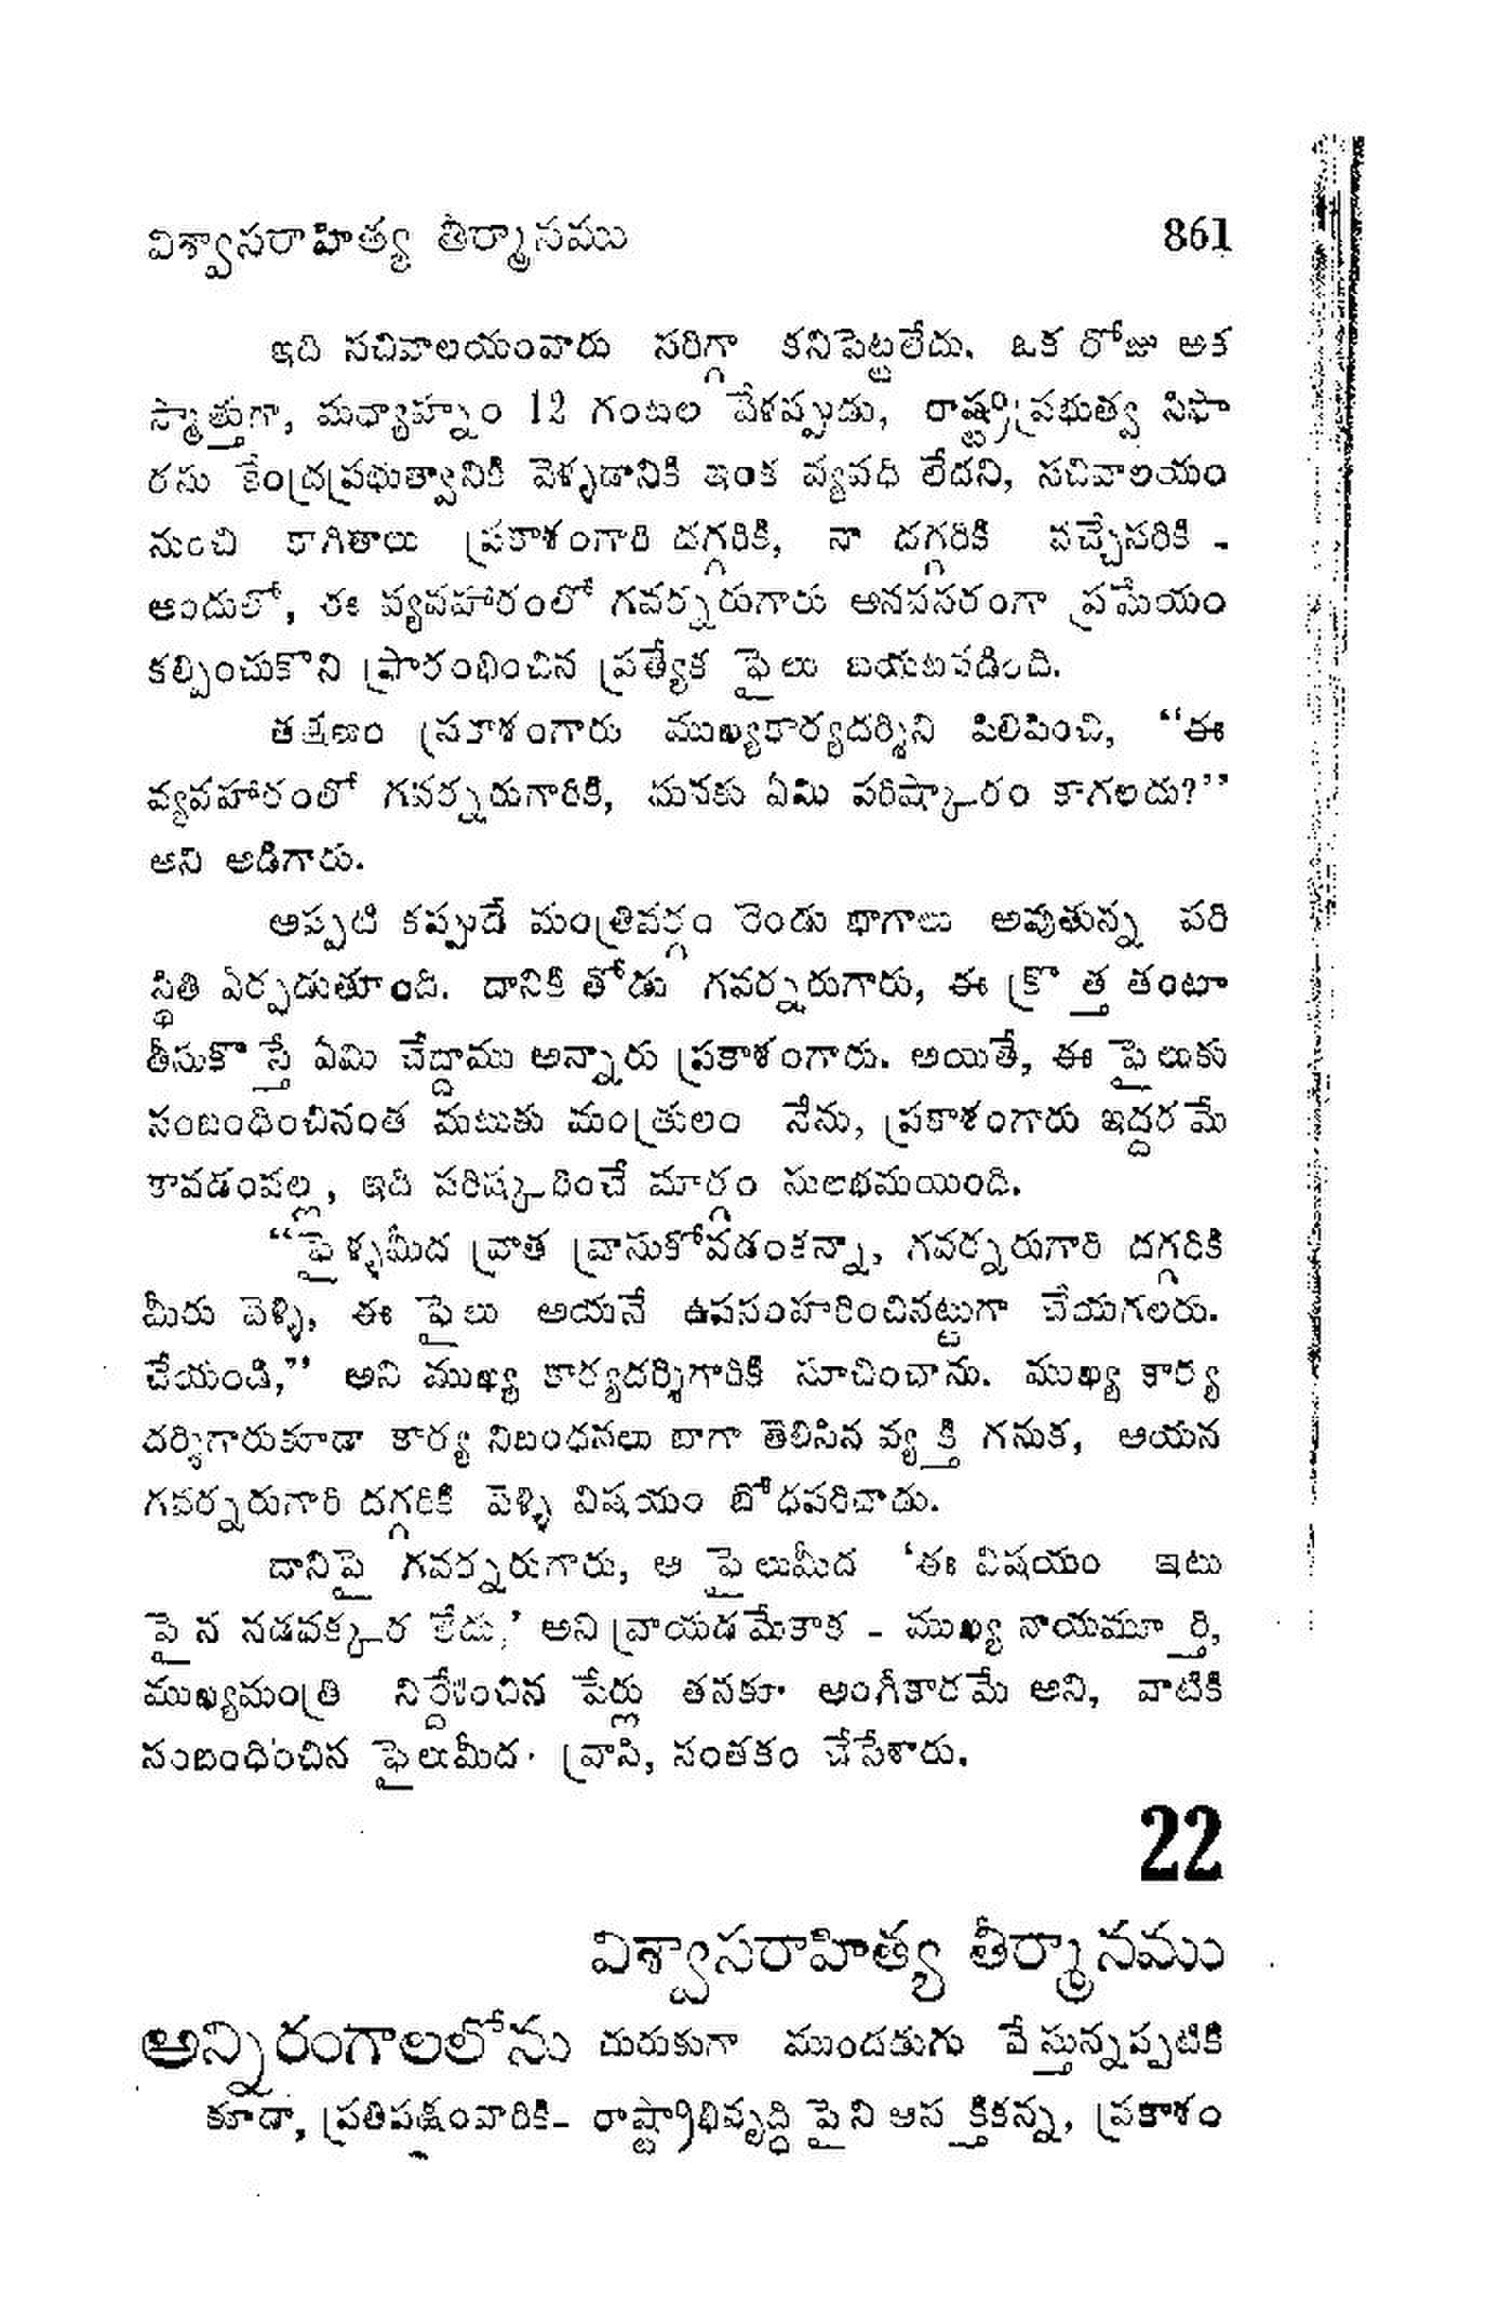ఇది సచివాలయంవారు సరిగ్గా కనిపెట్టలేదు. ఒక రోజు అకస్మాత్తుగా, మధ్యాహ్నం 12 గంటల వేళప్పుడు, రాష్ట్ర ప్రభుత్వ సిఫారసు కేంద్రప్రభుత్వానికి వెళ్ళడానికి ఇంక వ్యవధి లేదని, సచివాలయంనుంచి కాగితాలు ప్రకాశంగారి దగ్గరికి, నా దగ్గరికి వచ్చేసరికి - అందులో, ఈ వ్యవహారంలో గవర్నరుగారు అనవసరంగా ప్రమేయం కల్పించుకొని ప్రారంభించిన ప్రత్యేక ఫైలు బయటపడింది.

తక్షణం ప్రకాశంగారు ముఖ్యకార్యదర్శిని పిలిపించి, "ఈ వ్యవహారంలో గవర్నరుగారికి, మనకు ఏమి పరిష్కారం కాగలదు?" అని అడిగారు.

అప్పటి కప్పుడే మంత్రివర్గం రెండు భాగాలు అవుతున్న పరిస్థితి ఏర్పడుతూంది. దానికితోడు గవర్నరుగారు, ఈ క్రొత్త తంటా తీసుకొస్తే ఏమి చేద్దాము అన్నారు ప్రకాశంగారు. అయితే, ఈ ఫైలుకు సంబంధించినంత మటుకు మంత్రులం నేను, ప్రకాశంగారు ఇద్దరమే కావడంవల్ల, ఇది పరిష్కరించే మార్గం సులభమయింది.

"ఫైళ్ళమీద వ్రాత వ్రాసుకోవడంకన్నా, గవర్నరుగారి దగ్గరికి మీరు వెళ్ళి, ఈ ఫైలు ఆయనే ఉపసంహరించినట్టుగా చేయగలరు. చేయండి," అని ముఖ్య కార్యదర్శిగారికి సూచించాను. ముఖ్య కార్యదర్శిగారుకూడా కార్య నిబంధనలు బాగా తెలిసిన వ్యక్తి గనుక, ఆయన గవర్నరుగారి దగ్గరికి వెళ్ళి విషయం బోధపరిచాడు.

దానిపై గవర్నరుగారు, అ ఫైలుమీద 'ఈ విషయం ఇటుపైన నడవక్కర లేదు,' అని వ్రాయడమే కాక - ముఖ్య న్యాయమూర్తి, ముఖ్యమంత్రి నిర్దేశించిన పేర్లు తనకూ అంగీకారమే అని, వాటికి సంబంధించిన ఫైలుమీద వ్రాసి, సంతకం చేసేశారు.

అన్ని రంగాలలోను చురుకుగా ముందడుగు వేస్తున్నప్పటికి కూడా, ప్రతిపక్షంవారికి - రాష్ట్రాభివృద్ధి పైని ఆసక్తికన్న, ప్రకాశం